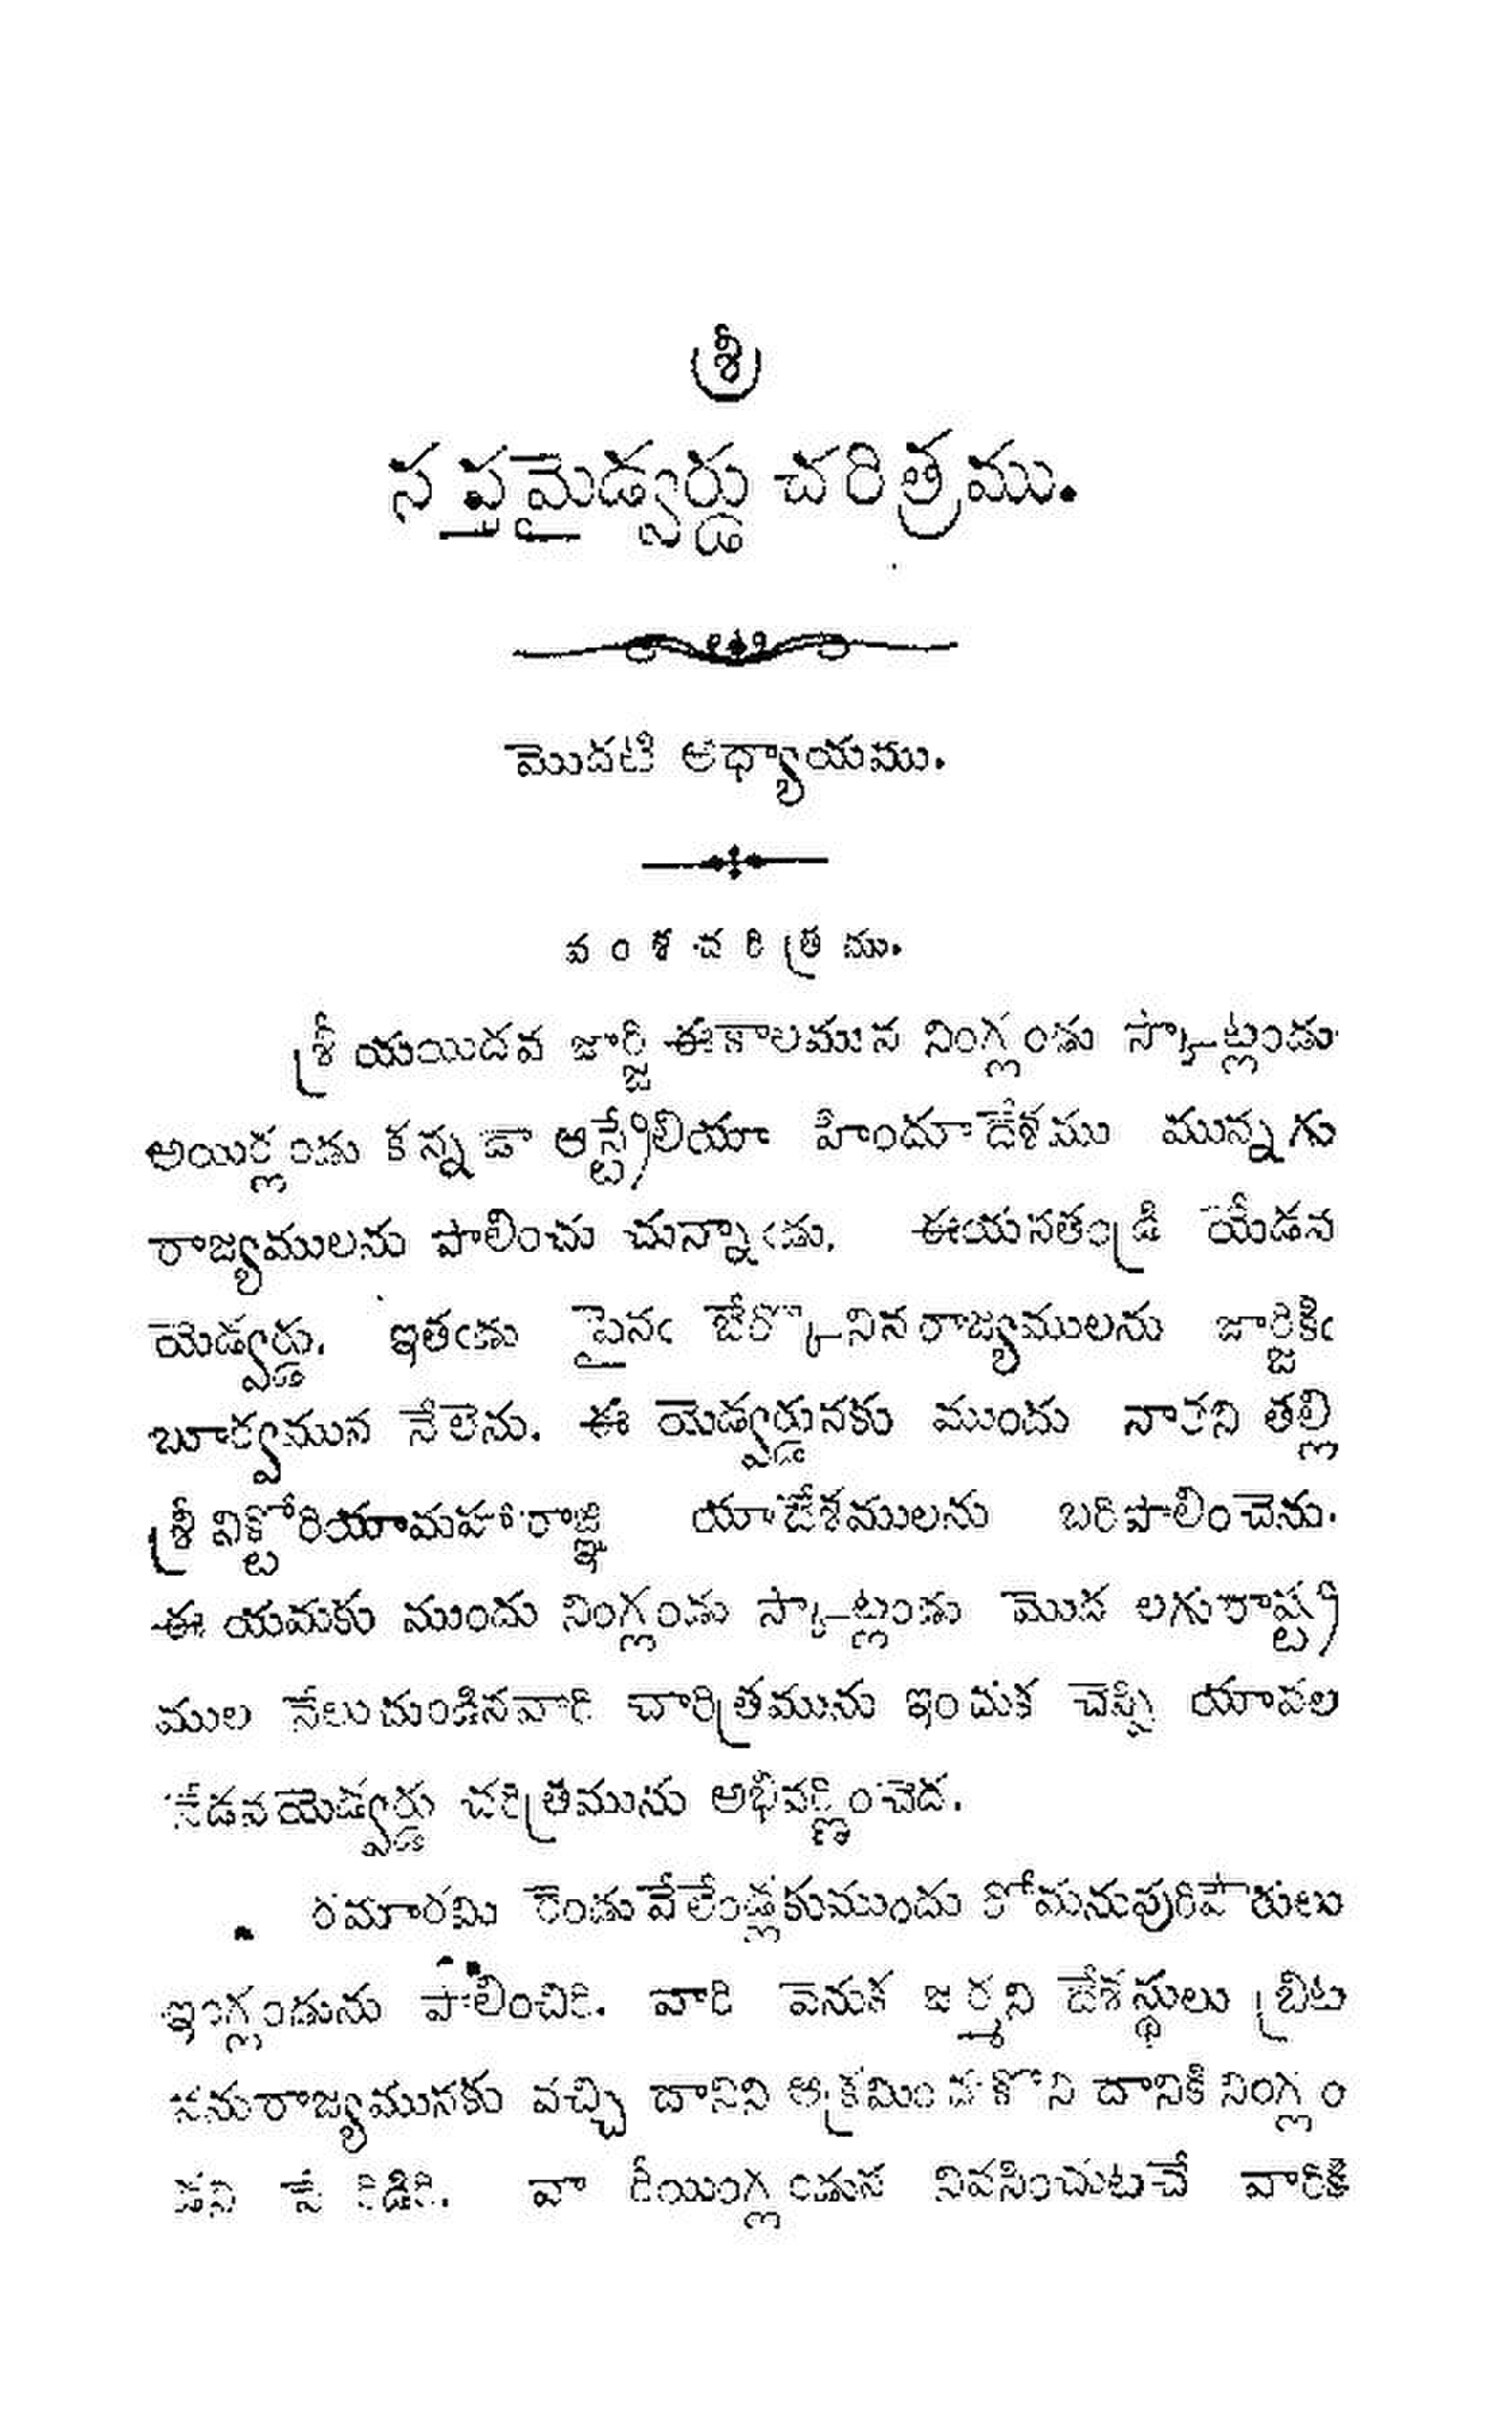సప్తమైడ్వర్డు చరిత్రము.

మొదటి అధ్యాయము.

శ్రీ యయిదవ జార్జి ఈకాలమున నింగ్లండు స్కాట్లండు అయిర్లండు కన్నడా ఆస్ట్రేలియా హిందూదేశము మున్నగు రాజ్యములను పాలించు చున్నాడు. ఈయనతండ్రి యేడవ యెడ్వర్డు. ఇతఁడు పైనఁ బేర్కొనినరాజ్యములను జార్జికిఁ బూర్వమున నేలెను. ఈ యెడ్వర్డునకు ముందు నాతని తల్లి శ్రీ విక్టోరియా మహారాజ్ఞి యాదేశములను బరిపాలించెను. ఈ యమకు ముందు నింగ్లండు స్కాట్లండు మొద లగురాష్ట్రముల నేలుచుండినవారి చారిత్రమును ఇంచుక చెప్పి యావల
నేడవయెడ్వర్డు చరిత్రమును అభివర్ణించెద .

రమారమి రెండువేలేండ్లకుముందు రోమనుపురిపౌరులు ఇంగ్లండును పాలించిరి. వారి వెనుక జర్మని దేశస్థులు బ్రిటననురాజ్యమునకు వచ్చి దానిని ఆక్రమించుకొని దానికి నింగ్లండని పేరిడిరి. వా రీయింగ్లండున నివసించుటచే వారికి